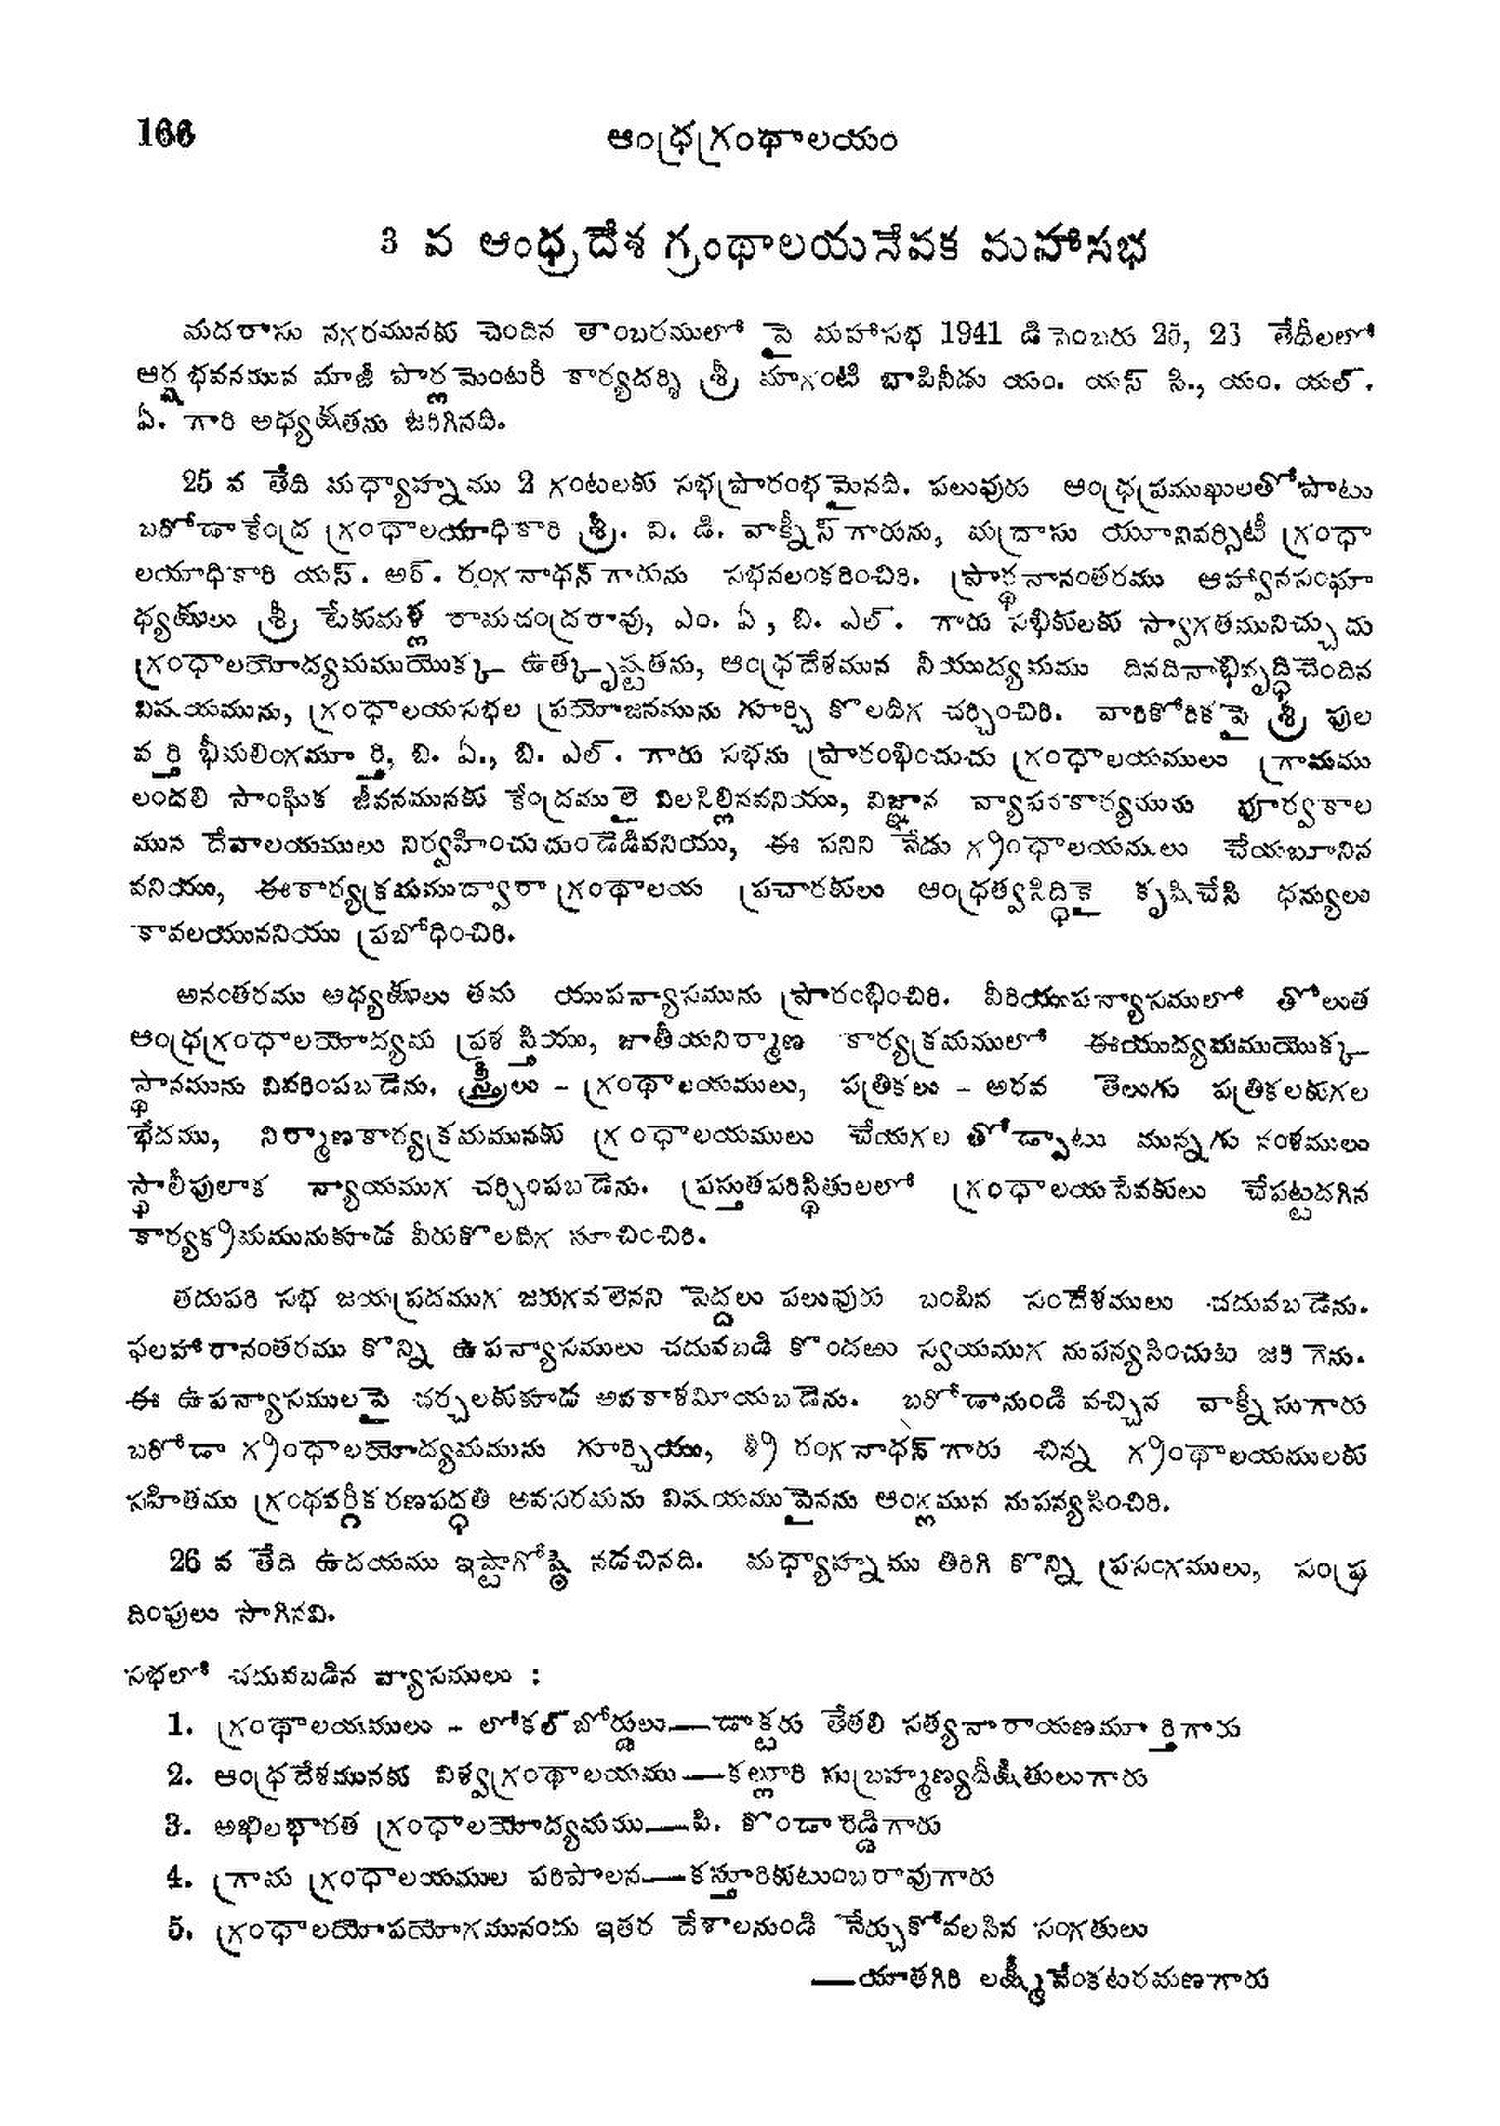మదరాసు నగరమునకు చెందిన తాంబరములో పై మహాసభ 1941 డిసెంబరు 25, 23 తేదీలలో ఆర్షభవనమున మాజీ పార్లమెంటరీ కార్యదర్శి శ్రీ మాగంటి బాపినీడు యం.యస్.సి., యం.యల్.ఏ. గారి అధ్యక్షతను జరిగినది.

25 వ తేదీ మధ్యాహ్నము 2 గంటలకు సభ ప్రారంభమైనది. పలువురు ఆంధ్రప్రముఖులతో పాటు బరోడాకేంద్ర గ్రంథాలయాధికారి 
శ్రీ. వి.డి. వాక్నీస్ గారును, మద్రాసు యూనివర్సిటీ గ్రంధాలయాధికారి యస్.ఆర్.రంగనాధన్ గారును సభనలంకరించిరి. ప్రార్థనానంతరము ఆహ్వాన సంఘాధ్యక్షులు శ్రీ టేకుమళ్ల రామచంద్రరావు, ఎం. ఏ, బి. ఎల్. గారు సభికులకు స్వాగతమునిచ్చుచు 
గ్రంధాలయోద్యమముయొక్క ఉత్కృష్టతను, ఆంధ్రదేశమున నీయుద్యమము దినదినాభివృద్ధి చెందిన విషయమును, గ్రంధాలయసభల ప్రయోజనమును గూర్చి కొలదిగ చర్చించిరి. వారికోరికపై శ్రీ ఫులవర్తి భీమలింగమూర్తి, బి.ఏ., బి.ఎల్. గారు సభను ప్రారంభించుచు గ్రంధాలయములు గ్రామములందలి సాంఘిక జీవనమునకు కేంద్రములై విలసిల్లినవనియు, విజ్ఞాన వ్యాపార కార్యమును పూర్వకాలమున దేవాలయములు నిర్వహించుచుండెడివనియు, ఈ పనిని నేడు గ్రంధాలయములు చేయబూనినవనియు, ఈకార్యక్రమముద్వారా 
గ్రంథాలయ ప్రచారకులు ఆంధ్రత్వసిద్ధికై కృషి చేసి ధన్యులు కావలయుననియు ప్రబోధించిరి.

అనంతరము అధ్యక్షులు తమ యుపన్యాసమును ప్రారంభించిరి. వీరియుపన్యాసములో తోలుత ఆంధ్రగ్రంధాలయోద్యన ప్రశస్తియు, జాతీయనిర్మాణ కార్యక్రమములో ఈ యుద్యమముయొక్క స్థానమును వివరింపబడెను, స్త్రీలు - గ్రంథాలయములు, పత్రికలు - అరవ తెలుగు పత్రికలకుగల భేదము, నిర్మాణ కార్యక్రమమునకు గ్రంధాలయములు చేయగల తోడ్పాటు మున్నగు సంళములు
స్థాలీపులాక న్యాయముగ చర్చింపబడేను. ప్రస్తుతపరిస్థితులలో గ్రంధాలయ సేవకులు చేపట్టదగిన కార్యక్రమమునుకూడ వీరుకొలదిగ సూచించిరి.

తదుపరి సభ జయప్రదముగ జరుగవలెనని పెద్దలు పలువురు బంపిన సందేశములు చదువబడెను. ఫలహారానంతరము కొన్ని ఉపన్యాసములు చదువబడి కొందఱు స్వయముగ నుపన్యసించుట జరిగెను. ఈ ఉపన్యాసముల పై చర్చలకుకూడ 
అవకాశమీయబడెను. బరోడా నుండి వచ్చిన వాక్నీసుగారు బరోడా గ్రంధాలయోద్యమమును గూర్చియు, శ్రీ రంగనాధన్గారు చిన్న గ్రంథాలయములకు సహితము గ్రంథవర్గీకరణపద్ధతి అవసరమను విషయముపైనను ఆంగ్లమున నుపన్యసించిరి.

26 వ తేది ఉదయము ఇష్టాగోష్ఠి నడచినది. మధ్యాహ్నము తిరిగి కొన్ని ప్రసంగములు, సంఫ్రదింపులు సాగినవి.

సభలో చదువబడిన వ్యాసములు :
1. గ్రంథాలయములు - లోకల్ బోర్డులు - డాక్టరు తేతలి సత్యనారాయణమూర్తిగారు
2. ఆంధ్రదేశమునకు విశ్వగ్రంథాలయము — కల్లూరి సుబ్రహ్మణ్య దీక్షితులుగారు
3. అఖిలభారత గ్రంధాలయోద్యమము - పి. కొండా రెడ్డి గారు
4. గ్రామ గ్రంధాలయముల పరిపాలన - కస్తూరికుటుంబ రావు గారు
5. గ్రంధాలయోపయోగమునందు ఇతర దేశాలనుండి నేర్చుకోవలసిన సంగతులు